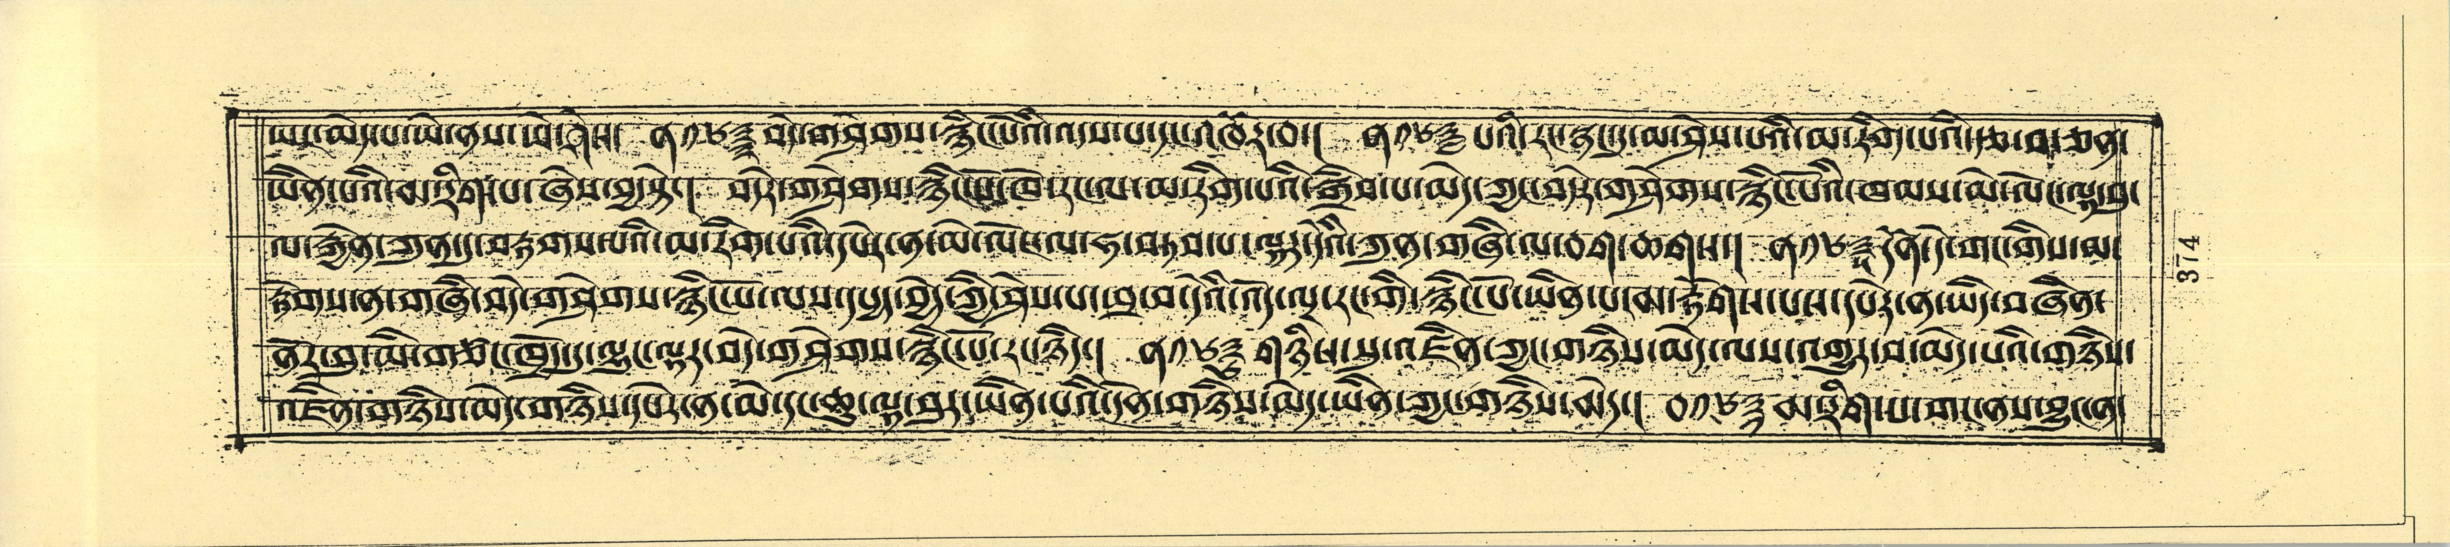ཡང་མེད་པ་ཡེ་ནས་ ༼ཡེ་ཤེས།༽ན༡༦༣།༢ བདེ་གཤེགས་སྙིང་པོའི་འདས་པ་དང་ ༼འཁོར་བ།༽ན༡༦༣།༤ ༼པའི་༽རང་སྣང་དུ་མ་ཤེས་པའི་མ་རིག་པའི་རྩ་བ་ཅན་
ཡིན་པའི་ ༼མ་རིག་པ་༽ཞེས་བྱ་སྟེ། བདེར་གཤེགས་སྙིང་པོ་ཁོ་རང་ལ་མ་རིག་པའི་སྒྲིབ་པ་མེད་ཀྱང་བདེར་གཤེགས་སྙིང་པོའི་ཁམས་མེ་ལོང་ལྟ་བུ་
ལ་རྐྱེན་ཀུན་ཏུ་བརྟགས་པའི་མ་རིག་པའི་དཔེར་ན་མེ་ལོང་ལ་ཧ་བཏབ་པ་ལྟར་དེའི་ཀུན་གཞི་ལ་ ༼བག་ཆགས།༽ན༡༦༣།༥ ༼དོན་༽དེ་གང་གིས་མ་
རྟེགས་ན་གཞི་བདེ་གཤེགས་སྙིང་པོ་ལས་དཔྱད་བྱེད་ཀྱི་ཤེས་པ་ཕྲ་བ་དེའི་འོད་རང་གི་སྙིང་པོ་ཡིན་པ་ ༼མ་རྟོགས་པས་༽དཔེར་ན་ཡིད་བཞིན་
ནོར་བུ་མི་གཙང་ཁྲོད་དུ་ལྷུང་ལྟར་བདེ་གཤེགས་སྙིང་པོ་རང་ཉིད། ན༡༦༣།༦ ༼གཉིས་༽སུ་འཛིན་ཀྱང་གཉིས་མེད་ལས་འགྱུར་བ་མེད་པའི་གཉིས་
འཛིན་གཉིས་མེད་དཔེར་ན་མེ་དང་ཆུ་ལྟ་བུར་ཡིན་པའི་དོན་གཉིས་མེད་ཡིན་ཀྱང་གཉིས་ ༼མེད།༽བ༡༦༣།༡ ༼མ་རིག་༽པ་གང་ནས་བྱུང་ན།